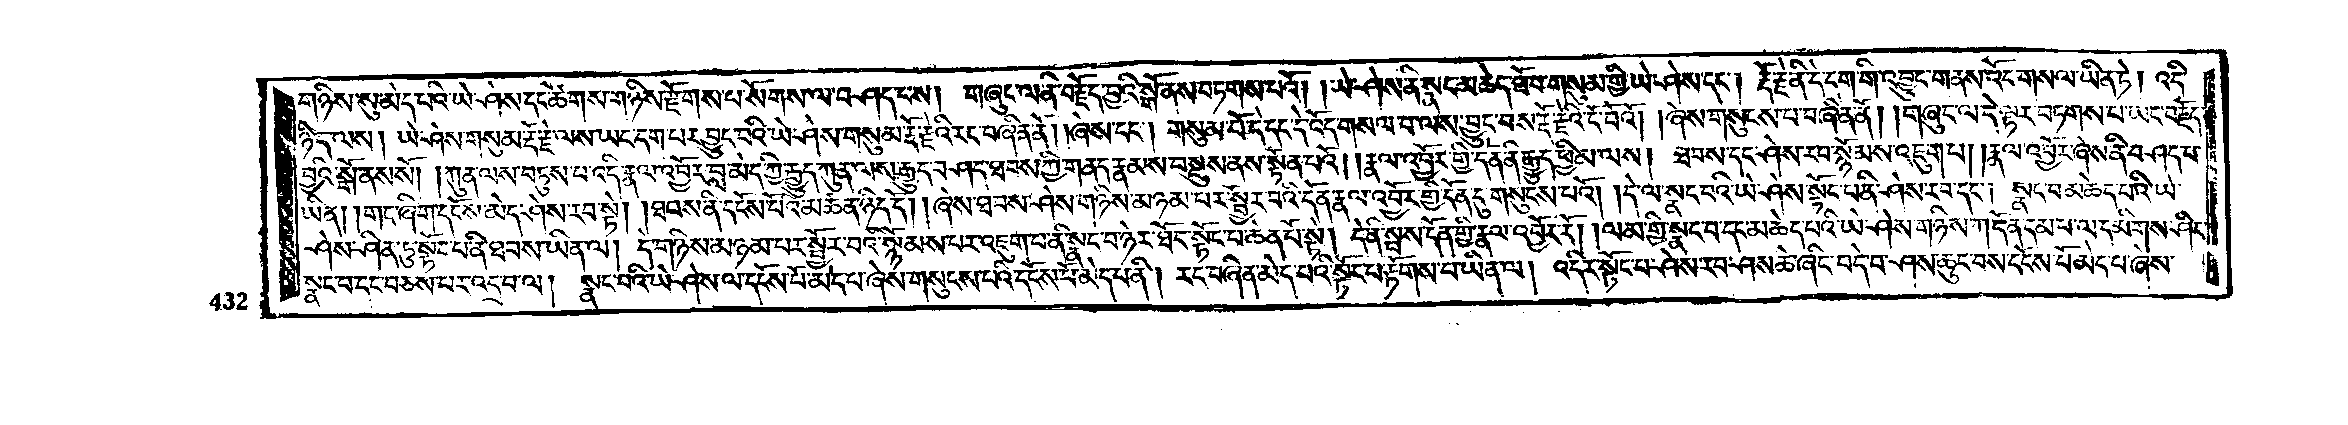གཉིས་སུ་མེད་པའི་ཡེ་ཤེས་དང་ཚོགས་གཉིས་རྫོགས་པ་སོགས་ལ་བཤད་པས། གཞུང་ལ་ནི་བརྗོད་བྱའི་སྒོ་ནས་བཏགས་པའོ། །ཡེ་ཤེས་ནི་སྣང་མཆེད་ཐོབ་གསུམ་གྱི་ཡེ་ཤེས་དང་། རྡོ་རྗེ་ནི་དེ་དག་གི་འབྱུང་གནས་འོད་གསལ་ཡིན་ཏེ། འདི་
ཉིད་ལས། ཡེ་ཤེས་གསུམ་རྡོ་རྗེ་ལས་ཡང་དག་པར་བྱུང་བའི་ཡེ་ཤེས་གསུམ་རྡོ་རྗེའི་རང་བཞིན་ནོ། །ཞེས་དང་། གསུམ་པོ་དེ་དང་དེ་འོད་གསལ་བ་ལས་བྱུང་བས་རྡོ་རྗེའི་ངོ་བོའོ། །ཞེས་གསུངས་པ་བཞིན་ནོ། །གཞུང་ལ་དེ་ལྟར་བཏགས་པ་ཡང་བརྗོད་
བྱའི་སྒོ་ནས་སོ། །ཀུན་ལས་བཏུས་པ་འདི་རྣལ་འབྱོར་བླ་མེད་ཀྱི་རྒྱུད་ཀུན་ལས་རྒྱུད་བཤད་ཐབས་ཀྱི་གནད་རྣམས་བསྡུས་ནས་སྟོན་པའོ། །རྣལ་འབྱོར་གྱི་དོན་ནི་རྒྱུད་ཕྱི་མ་ལས། ཐབས་དང་ཤེས་རབ་སྙོམས་འཇུག་པ། །རྣལ་འབྱོར་ཞེས་ནི་བཤད་པ་
ཡིན། །གང་ཞིག་དངོས་མེད་ཤེས་རབ་སྟེ། །ཐབས་ནི་དངོས་པོའི་མཚན་ཉིད་དོ། །ཞེས་ཐབས་ཤེས་གཉིས་མཉམ་པར་སྦྱོར་བའི་དོན་རྣལ་འབྱོར་གྱི་དོན་དུ་གསུངས་པའོ། །དེ་ལ་སྣང་བའི་ཡེ་ཤེས་སྟོང་པ་ནི་ཤེས་རབ་དང་། སྣང་བ་མཆེད་པའི་ཡེ་
ཤེས་ཤིན་ཏུ་སྟོང་པ་ནི་ཐབས་ཡིན་ལ། དེ་གཉིས་མཉམ་པར་སྦྱོར་བའི་སྙོམས་པར་འཇུག་པ་ནི་སྣང་བ་ཉེར་ཐོབ་སྟོང་པ་ཆེན་པོ་སྟེ། དེ་ནི་སྦས་དོན་གྱི་རྣལ་འབྱོར་རོ། །ལམ་གྱི་སྣང་བ་དང་མཆེད་པའི་ཡེ་ཤེས་གཉིས་ཀ་དོན་དམ་པ་ལ་དམིགས་ཤིང་
སྣང་བ་དང་བཅས་པར་འདྲ་བ་ལ། སྣང་བའི་ཡེ་ཤེས་ལ་དངོས་པོ་མེད་པ་ཞེས་གསུངས་པའི་དངོས་པོ་མེད་པ་ནི། རང་བཞིན་མེད་པའི་སྟོང་པ་རྟོགས་པ་ཡིན་ལ། འདིར་སྟོང་པ་ཤེས་རབ་ཤས་ཆེ་ཞིང་བདེ་བ་ཤས་ཆུང་བས་དངོས་པོ་མེད་པ་ཞེས་